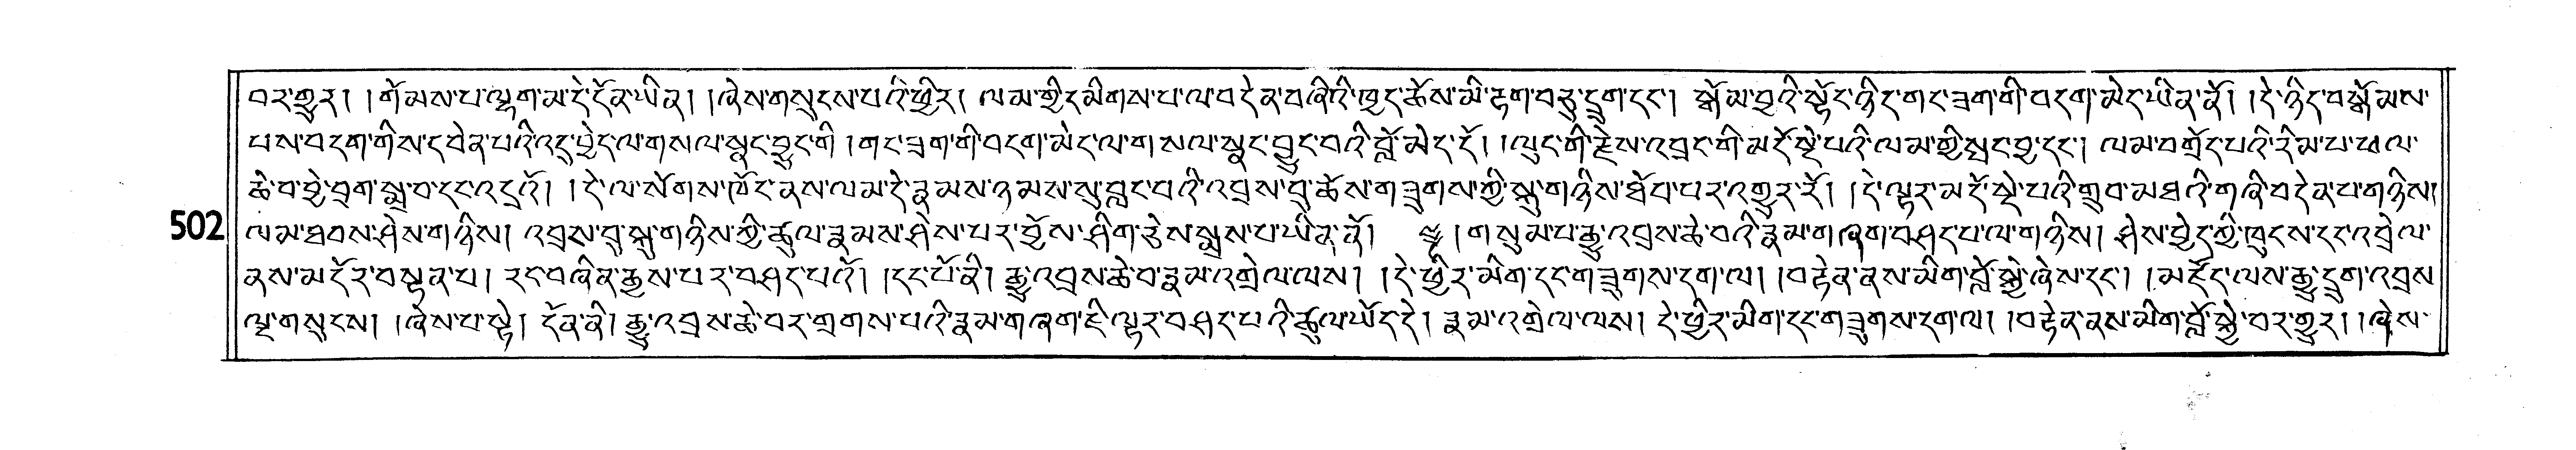བར་གྱུར། །གོམས་པ་ལྷག་མ་དེ་དོན་ཡིན། །ཞེས་གསུངས་པའི་ཕྱིར། ལམ་གྱི་དམིགས་པ་ལ་བདེན་བཞིའི་ཁྱད་ཆོས་མི་རྟག་བཅུ་དྲུག་དང་། སྒོམ་བྱའི་སྟོང་ཉིད་གང་ཟག་གི་བདག་མེད་ཡིན་ནོ། །དེ་ཉིད་བསྒོམས་
པས་བདག་གིས་དབེན་པའི་འདུ་བྱེད་ལ་གསལ་སྣང་བྱུང་གི །གང་ཟག་གི་བདག་མེད་ལ་གསལ་སྣང་བྱུང་བའི་བློ་མེད་དོ། །ལུང་གི་རྗེས་འབྲང་གི་མདོ་སྡེ་པའི་ལམ་གྱི་སྤང་བྱ་དང་། ལམ་བགྲོད་པའི་རིམ་པ་ཕལ་
ཆེ་བ་བྱེ་བྲག་སྨྲ་བ་དང་འདྲའོ། །དེ་ལ་སོགས་ཁོང་ནས་ལམ་དེ་རྣམས་ཉམས་སུ་བླང་བའི་འབྲས་བུ་ཆོས་གཟུགས་ཀྱི་སྐུ་གཉིས་ཐོབ་པར་འགྱུར་རོ། །དེ་ལྟར་མདོ་སྡེ་པའི་གྲུབ་མཐའི་གཞི་བདེན་པ་གཉིས།
ལམ་ཐབས་ཤེས་གཉིས། འབྲས་བུ་སྐུ་གཉིས་ཀྱི་ཚུལ་རྣམས་ཤེས་པར་བྱོས་ཤིག་ཅེས་སྨྲས་པ་ཡིན་ནོ། ༈ །གསུམ་པ་རྒྱུ་འབྲས་ཆེ་བའི་རྣམ་གཞག་བཤད་པ་ལ་གཉིས། ཤེས་བྱེད་ཀྱི་ཁུངས་དང་འབྲེལ་
ནས་མདོར་བསྟན་པ། རང་བཞིན་རྒྱས་པར་བཤད་པའོ། །དང་པོ་ནི། རྒྱུ་འབྲས་ཆེ་བ་རྣམ་འགྲེལ་ལས། །དེ་ཕྱིར་མིག་དང་གཟུགས་དག་ལ། །བརྟེན་ནས་མིག་བློ་སྐྱེ་ཞེས་དང་། །མཛོད་ལས་རྒྱུ་དྲུག་འབྲས་
ལྔ་གསུངས། །ཞེས་པ་སྟེ། དོན་ནི། རྒྱུ་འབྲས་ཆེ་བར་གྲགས་པའི་རྣམ་གཞག་ཇི་ལྟར་བཤད་པའི་ཚུལ་ཡོད་དེ། རྣམ་འགྲེལ་ལས། དེ་ཕྱིར་མིག་དང་གཟུགས་དག་ལ། །བརྟེན་ནས་མིག་བློ་སྐྱེ་བར་གྱུར། །ཞེས་